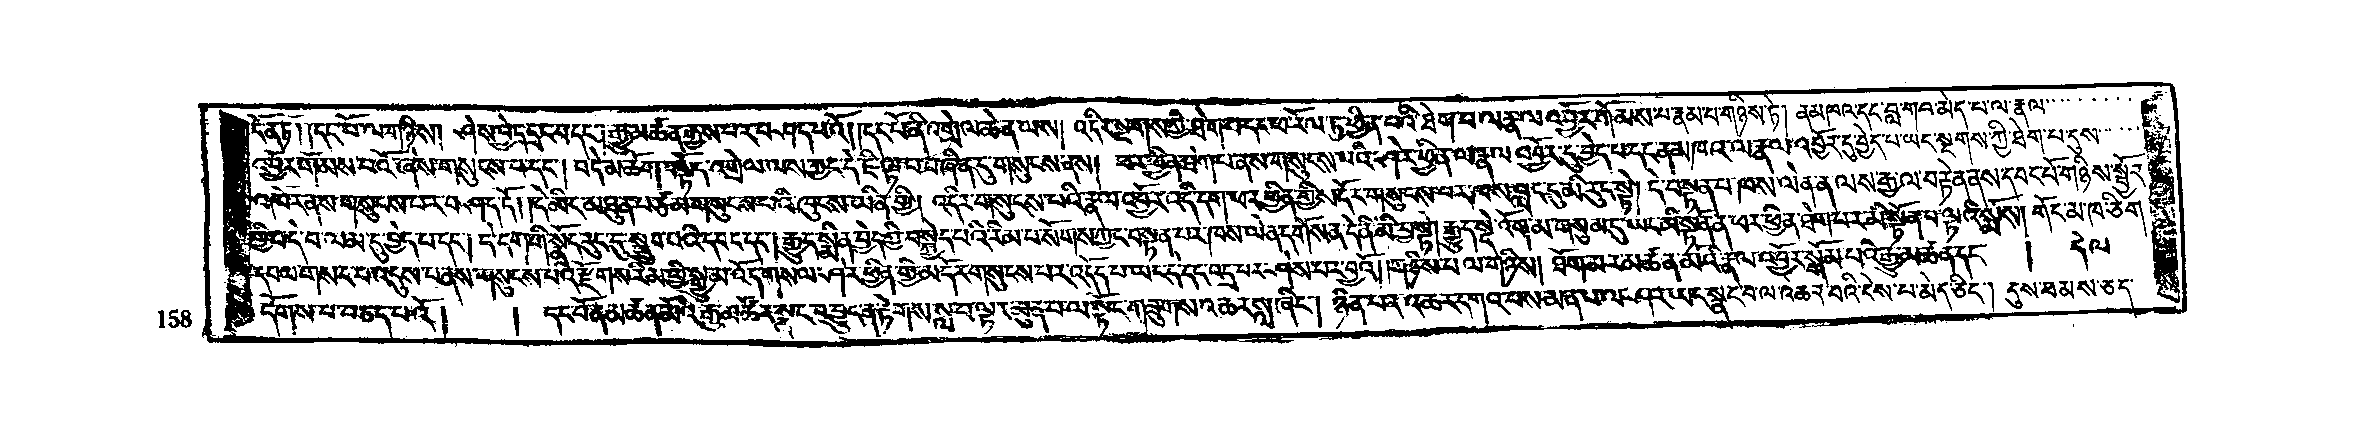དོན་ཏོ། །དང་པོ་ལ་གཉིས། ཤེས་བྱེད་དྲང་བ་དང་། རྒྱུ་མཚན་རྒྱས་པར་བཤད་པའོ། །དང་པོ་ནི་འགྲེལ་ཆེན་ལས། འདིར་སྔགས་ཀྱི་ཐེག་པ་དང་ཕ་རོལ་ཏུ་ཕྱིན་པའི་ཐེག་པ་ལ་རྣལ་འབྱོར་གོམས་པ་རྣམ་པ་གཉིས་ཏེ། ནམ་མཁའ་དང་བླ་གབ་མེད་པ་ལ་རྣལ་
འབྱོར་གོམས་པའོ་ཞེས་གསུངས་པ་དང་། བདེ་མཆོག་བསྟོད་འགྲེལ་ལས་ཀྱང་དེ་ཇི་ལྟ་བ་བཞིན་དུ་གསུངས་ནས། ཕར་ཕྱིན་ཐེག་པ་ནས་གསུངས་པའི་ཤེར་ཕྱིན་ལ་རྣལ་འབྱོར་དུ་བྱེད་པ་དང་ནམ་མཁའ་ལ་རྣལ་འབྱོར་དུ་བྱེད་པ་ཡང་སྔགས་ཀྱི་ཐེག་པ་དུས་
འཁོར་ནས་གསུངས་པར་བཤད་དོ། །དེ་མིང་མཐུན་པ་ཙམ་གསུངས་པའི་ཁུངས་ཡིན་གྱི། འདིར་གསུངས་པའི་རྣལ་འབྱོར་འདི་དག་ཕར་ཕྱིན་གྱིས་དོན་གསུངས་པར་ཁས་བླང་དུ་མི་རུང་སྟེ། དེ་བསྟན་པ་ཁས་ལེན་ན་ལས་རྒྱ་ལ་བརྟེན་ནས་དབང་པོ་གཉིས་སྦྱོར་
གྱི་བདེ་བ་ལམ་དུ་བྱེད་པ་དང་། དེ་དག་གི་སྣོད་རུང་དུ་སྒྲུབ་པའི་དབང་དང་། རྒྱུད་སྨིན་བྱེད་ཀྱི་བསྐྱེད་པའི་རིམ་པ་སོགས་ཀྱང་བསྟན་པར་ཁས་ལེན་དགོས་ན་དེ་ནི་མི་བྱ་སྟེ། རྒྱུད་སྡེ་འོག་མ་གསུམ་དུ་ཡང་མི་སྟོན་ན་ཕར་ཕྱིན་ཐེག་པར་མི་སྟོན་པ་ལྟའི་སྨོས། གོང་མ་ཁ་ཅིག་
དཔལ་གསང་བ་འདུས་པ་ནས་གསུངས་པའི་རྫོགས་རིམ་གྱི་སྒྱུ་མ་འོད་གསལ་ཤེར་ཕྱིན་གྱི་མདོར་གསུངས་པར་འདོད་པ་ཡང་དེ་དང་འདྲ་བར་ཤེས་པར་བྱའོ། །གཉིས་པ་ལ་གཉིས། ཐོག་མར་མཚན་མོའི་རྣལ་འབྱོར་སྒོམ་པའི་རྒྱུ་མཚན་དང་། དེ་ལ་
དོགས་པ་བཅད་པའོ། །དང་པོ་ན་མཚན་མོའི་རྒྱ་མཚོན་སྣང་བ་བྱུང་ན་རྟེགས་སླ་བ་ལྟར་མུན་པ་ལ་སྟོང་གཟུགས་འཆར་སླ་ཞིང་། ཉིན་པར་འཆར་དགའ་བས་མན་པ་ལ་ཤར་ཡང་སྣང་བ་ལ་འཆར་བའི་ངེས་པ་མེད་ཅིང་། དུས་ཐམས་ཅད་